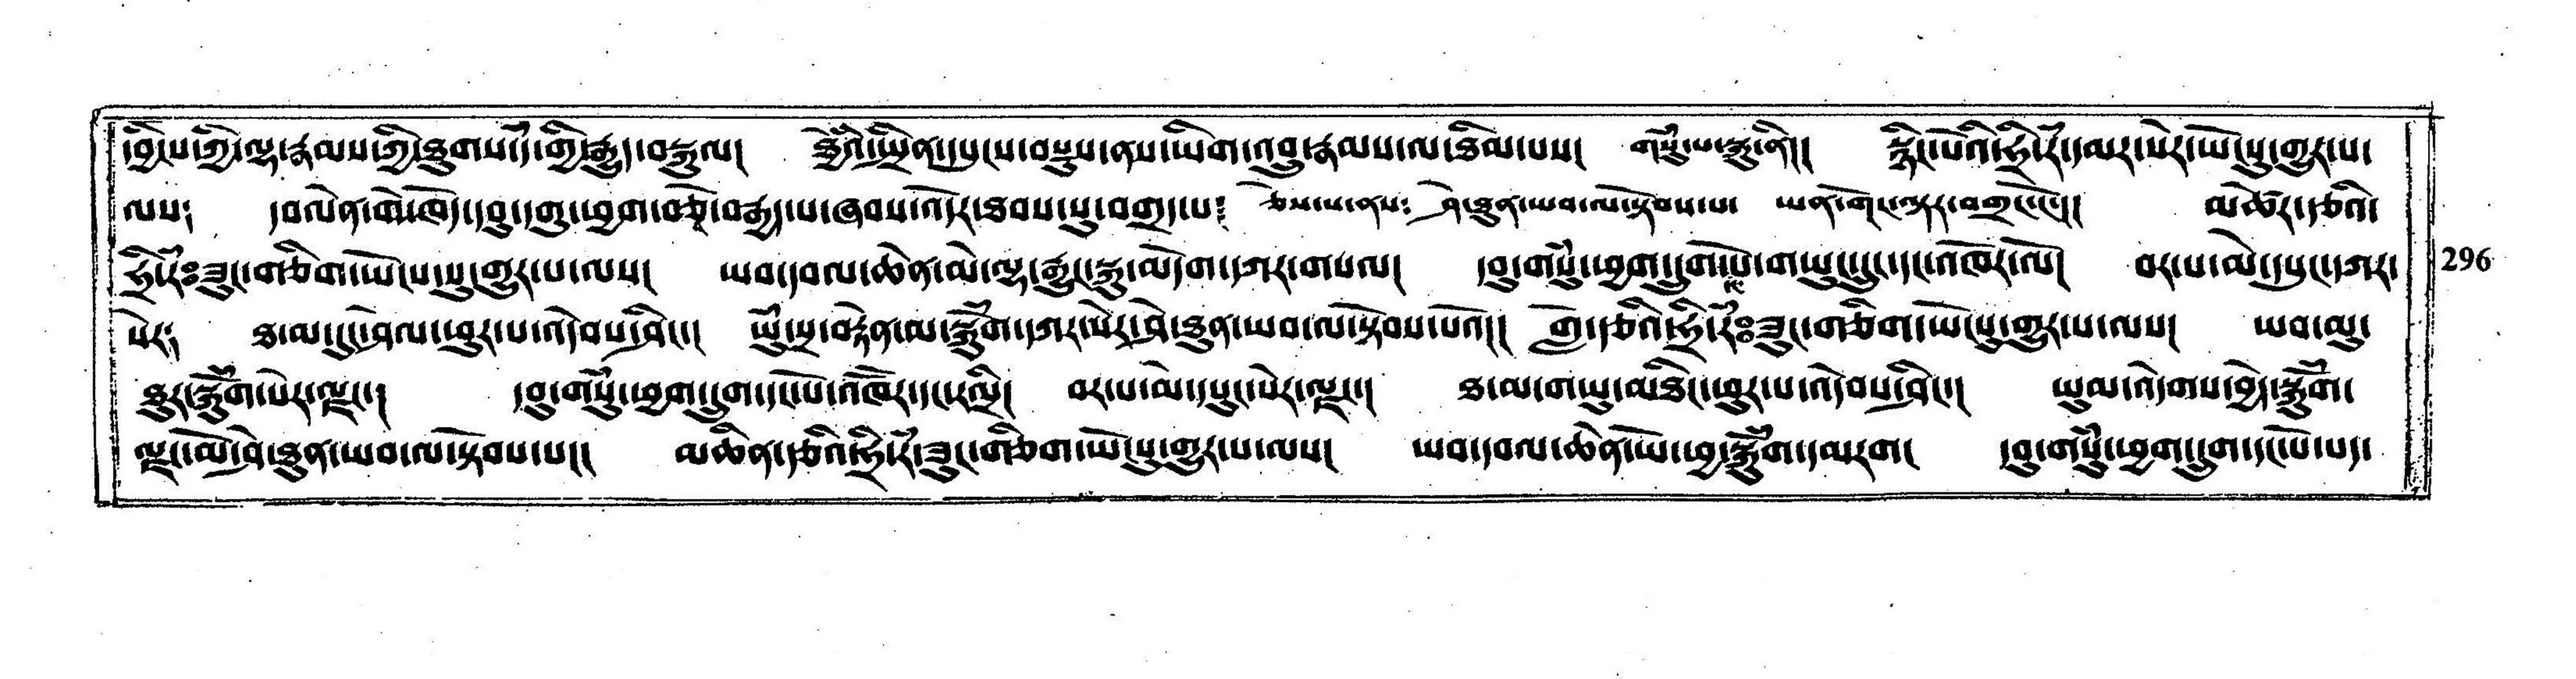དབྱིངས་ཀྱི་ལྷ་རྣམས་ཀྱི་ཐུགས་དམ་གྱི་རྒྱུད་བསྐུལ། ཐུགས་རྗེའི་སྤྲིན་དཔུངས་བསྡུས་ནས་ཡིག་འབྲུ་རྣམས་ལ་ཐིམ་པས། གསུམ་པ་སྐུ་ནི།། སྙིང་པོའི་ཧྲི་རཾ་དམར་སེར་ཡོངས་སུ་གྱུར་པ་
ལས། དབལ་ཆེན་གེ་ཁོད་དབུ་དགུ་ཕྱག་བཅྭོ་བརྒྱད་པ་ཞབས་འདོར་ཐབས་སུ་བགྲད་པ། ཅེས་པ་ནས་ཤེ་ཐུན་ཡབ་ལ་སྟོབས་པ་ཡན་གོང་ལྟར་བགྲང་ངོ་།། མཚེར་རྩའི་
ཧྲི་རཾཿཟུང་གཅིག་ཡོངས་སུ་གྱུར་པ་ལས། ཡབ་དབལ་ཆེན་མེ་ལྷ་རྒྱུང་སྐུ་མདོག་དཀར་གསལ། དབུ་གསུམ་ཕྱག་དྲུག་དང་པོ་གཡུང་དྲུང་དང་འཁོར་ལོ། བར་པ་མེ་དཔུང་དཀར་
སེར། ཐ་མ་དུང་ཤེལ་ཕུར་པ་འདེབས་ཤིང་། ཡུམ་སྲ་བརྟེན་མ་སྐུ་མདོག་དཀར་སེར་ཤེ་ཐུན་ཡབ་ལ་སྟོབས་པའོ།། གློ་རྩའི་ཧྲི་རཾཿཟུང་གཅིག་ཡོངས་སུ་གྱུར་པ་ལས། ཡབ་མུ་
ཐུར་སྐུ་མདོག་སེར་ལྗང་། དབུ་གསུམ་ཕྱག་དྲུག་དང་པོ་འཁོར་ལོ་དང་རལ་གྲི། བར་པ་མེ་དཔུང་སེར་ལྗང་། ཐ་མ་གཡུ་མཐིང་ཕུར་པ་འདེབས་ཤིང་། ཡུམ་འདེགས་བྱེད་སྐུ་མདོག་
ལྗང་མོ་ཤེ་ཐུན་ཡབ་ལ་སྟོབས་པ།། མཆིན་རྩའི་ཧྲི་རཾ་ཟུང་གཅིག་ཡོངས་སུ་གྱུར་པ་ལས། ཡབ་དབལ་ཆེན་ཡོ་ཕྱ་སྐུ་མདོག་དམར་ནག དབུ་གསུམ་ཕྱག་དྲུག་དང་པོ་པད་